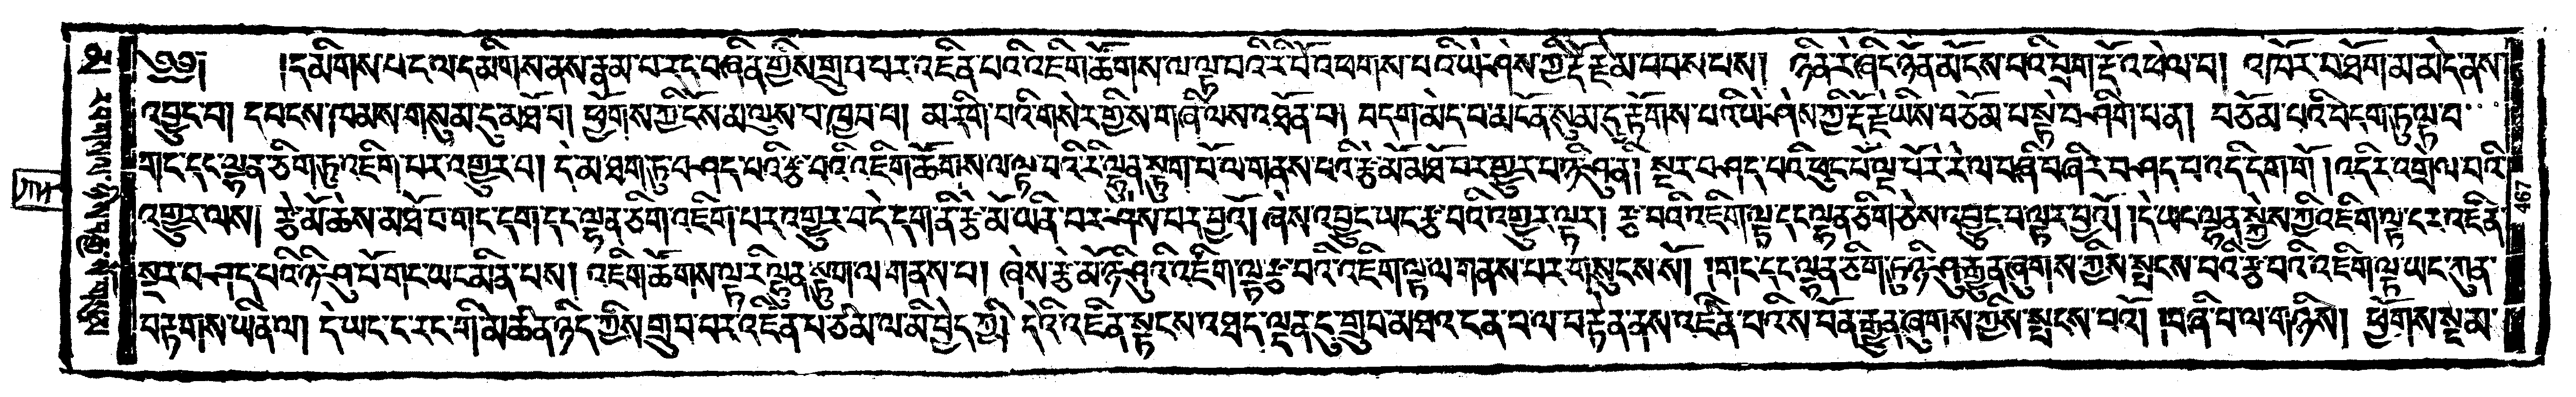༄༅། །དམིགས་པ་ང་ལ་དམིགས་ནས་རྣམ་པ་རང་བཞིན་གྱིས་གྲུབ་པར་འཛིན་པའི་འཇིག་ཚོགས་ལ་ལྟ་བའི་རི་བོ་འཕགས་པའི་ཡེ་ཤེས་ཀྱི་རྡོ་རྗེ་མ་བབས་པས། ཉིན་རེ་ཞིང་ཉོན་མོངས་པའི་བྲག་རྡོ་འཕེལ་བ། འཁོར་བ་ཐོག་མ་མེད་ནས་
འབྱུང་བ། དཔངས་ཁམས་གསུམ་དུ་མཐོ་བ། ཕྱོགས་ཀྱི་ངོས་མ་ལུས་པ་ཁྱབ་པ། མ་རིག་པའི་གསེར་གྱི་ས་གཞི་ལས་འཐོན་པ། བདག་མེད་པ་མངོན་སུམ་དུ་རྟོགས་པའི་ཡེ་ཤེས་ཀྱི་རྡོ་རྗེ་ཡིས་བཅོམ་པ་སྟེ་བཤིག་པ་ན། བཅོམ་པའི་བདག་ཏུ་ལྟ་བ་
གང་དང་ལྷན་ཅིག་ཏུ་འཇིག་པར་འགྱུར་བ། དེ་མ་ཐག་ཏུ་བཤད་པའི་རྩ་བའི་འཇིག་ཚོགས་ལ་ལྟ་བའི་རི་ལྷུན་སྟུག་པོ་ལ་གནས་པའི་རྩེ་མོ་མཐོ་བར་གྱུར་པ་ཉི་ཤུ་ནི། སྔར་བཤད་པའི་ཕུང་པོ་ལྔ་པོ་རེ་རེ་ལ་བཞི་བཞིར་བཤད་པ་འདི་དག་གོ །འདིར་འགྲེལ་པའི་
འགྱུར་ལས། རྩེ་མོ་ཆེས་མཐོ་བ་གང་དག་དང་ལྷན་ཅིག་འཇིག་པར་འགྱུར་བ་དེ་དག་ནི་རྩེ་མོ་ཡིན་པར་ཤེས་པར་བྱའོ། ཞེས་འབྱུང་ཡང་རྩ་བའི་འགྱུར་ལྟར། རྩ་བའི་འཇིག་ལྟ་དང་ལྷན་ཅིག་ཅེས་འབྱུང་བ་ལྟར་བྱའོ། །དེ་ཡང་ལྷན་སྐྱེས་ཀྱི་འཇིག་ལྟ་ངར་འཛིན་
སྔར་བཤད་པའི་ཉི་ཤུ་པོ་གང་ཡང་མིན་པས། འཇིག་ཚོགས་ལྟ་རི་ལྷུན་སྟུག་ལ་གནས་པ། ཞེས་རྩེ་མོ་ཉི་ཤུའི་འཇིག་ལྟ་རྩ་བའི་འཇིག་ལྟ་ལ་གནས་པར་གསུངས་སོ། །གང་དང་ལྷན་ཅིག་ཏུ་ཉི་ཤུ་རྒྱུན་ཞུགས་ཀྱིས་སྤངས་པའི་རྩ་བའི་འཇིག་ལྟ་ཡང་ཀུན་
བརྟགས་ཡིན་ལ། དེ་ཡང་དེ་རང་གི་མཚན་ཉིད་ཀྱིས་གྲུབ་པར་འཛིན་པ་ཙམ་ལ་མི་བྱེད་ཀྱི། དེའི་འཛིན་སྟངས་འཐད་ལྡན་དུ་གྲུབ་མཐའ་ངན་པ་ལ་བརྟེན་ནས་འཛིན་པའི་ས་བོན་རྒྱུན་ཞུགས་ཀྱིས་སྤངས་པའོ། །བཞི་པ་ལ་གཉིས། ཕྱོགས་སྔ་མ་